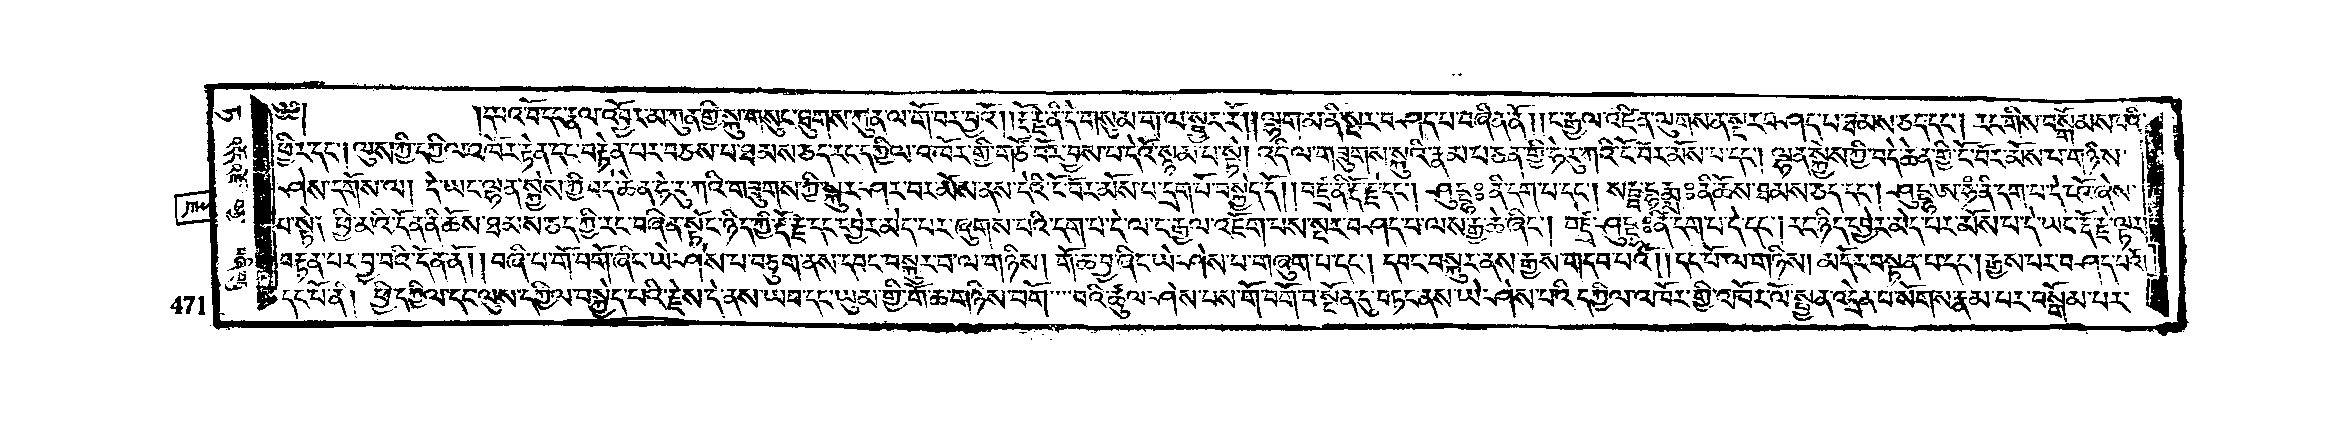༄༅། །དཔའ་བོ་དང་རྣལ་འབྱོར་མ་ཀུན་གྱི་སྐུ་གསུང་ཐུགས་ཀུན་ལ་གོ་བར་བྱའོ། །རྡོ་རྗེ་ནི་དེ་གསུམ་ག་ལ་སྦྱར་རོ། །ལྷག་མ་ནི་སྔར་བཤད་པ་བཞིན་ནོ། །ང་རྒྱལ་འཛིན་ལུགས་ནི་སྔར་བཤད་པ་ཐམས་ཅད་དང་། རང་གིས་བསྒོམས་པའི་
ཕྱིར་དང་། ལུས་ཀྱི་དཀྱིལ་འཁོར་རྟེན་དང་བརྟེན་པར་བཅས་པ་ཐམས་ཅད་རང་དཀྱིལ་འཁོར་གྱི་གཙོ་བོར་བྱས་པ་དེའོ་སྙམ་པ་སྟེ། འདི་ལ་གཟུགས་སྐུའི་རྣམ་པ་ཅན་གྱི་ཧེ་རུ་ཀའི་ངོ་བོར་མོས་པ་དང་། ལྷན་སྐྱེས་ཀྱི་བདེ་ཆེན་གྱི་ངོ་བོར་མོས་པ་གཉིས་
ཤེས་དགོས་ལ། དེ་ཡང་ལྷན་སྐྱེས་ཀྱི་བདེ་ཆེན་ཧེ་རུ་ཀའི་གཟུགས་ཀྱི་སྐུར་ཤར་བར་མོས་ནས་དེའི་ངོ་བོར་མོས་པ་དྲག་པོ་བསྐྱེད་དོ། །བཛྲ་ནི་རྡོ་རྗེ་དང་། ཤུདྡྷཿ ནི་དག་པ་དང་། སརྦ་བ་དྷརྨྨཿ ནི་ཆོས་ཐམས་ཅད་དང་། ཤུདྡྷ་ཨ་ཧཾ་ནི་དག་པ་དེ་ངའོ་ཞེས་
པ་སྟེ། ཕྱི་མའི་དོན་ནི་ཆོས་ཐམས་ཅད་ཀྱི་རང་བཞིན་སྟོང་ཉིད་ཀྱི་རྡོ་རྗེ་དང་དབྱེར་མེད་པར་ཞུགས་པའི་དག་པ་དེ་ལ་ང་རྒྱལ་འཇོག་པས་སྔར་བཤད་པ་ལས་རྒྱ་ཆེ་ཞིང་། བཛྲ་ཤུདྡྷཿ ནི་དག་པ་དེ་དང་། རང་ཉིད་དབྱེར་མེད་པར་མོས་པ་དེ་ཡང་རྡོ་རྗེ་ལྟར་
བརྟན་པར་བྱ་བའི་དོན་ནོ། །བཞི་པ་གོ་བགོ་ཞིང་ཡེ་ཤེས་པ་བཅུག་ནས་དབང་བསྐུར་བ་ལ་གཉིས། གོ་ཆ་བྱ་ཞིང་ཡེ་ཤེས་པ་གཞུག་པ་དང་། དབང་བསྐུར་ནས་རྒྱས་གདབ་པའོ། །དང་པོ་ལ་གཉིས། མདོར་བསྟན་པ་དང་། རྒྱས་པར་བཤད་པའོ།
དང་པོ་ནི། ཕྱི་དཀྱིལ་དང་ལུས་དཀྱིལ་བསྐྱེད་པའི་རྗེས་དེ་ནས་ཡབ་དང་ཡུམ་གྱི་གོ་ཆ་གཉིས་བགོ་བའི་ཚུལ་ཤེས་པས་གོ་བགོ་བ་སྔོན་དུ་བཏང་ནས་ཡེ་ཤེས་པའི་དཀྱིལ་འཁོར་གྱི་འཁོར་ལོ་སྤྱན་འདྲེན་པ་སོགས་རྣམ་པར་བསྒོམ་པར་